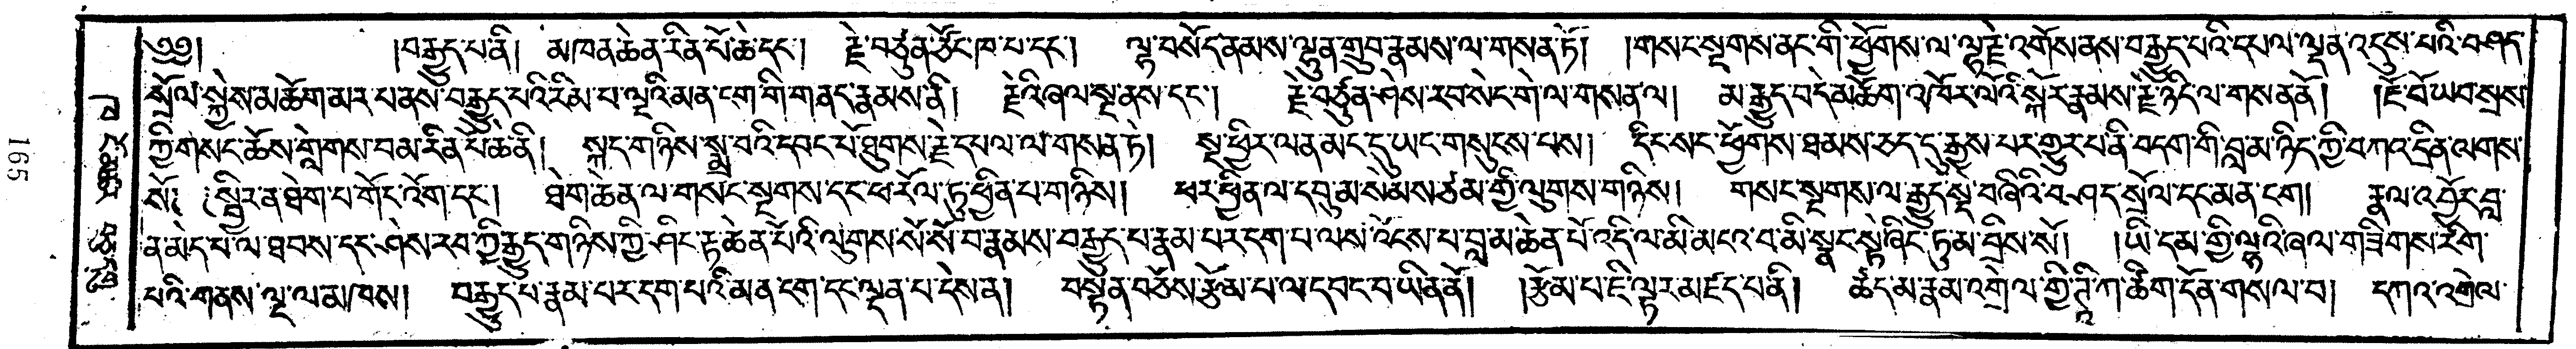༄༅། །བརྒྱུད་པ་ནི། མཁན་ཆེན་རིན་པོ་ཆེ་དང་། རྗེ་བཙུན་ཙོང་ཁ་པ་དང་། ལྷ་བསོད་ནམས་ལྷུན་གྲུབ་རྣམས་ལ་གསན་ཏོ། །གསང་སྔགས་ནང་གི་ཕྱོགས་ལ་ལྷ་རྗེ་འགོས་ནས་བརྒྱུད་པའི་དཔལ་ལྡན་འདུས་པའི་བཤད་
སྲོལ་སྐྱེས་མཆོག་མར་པ་ནས་བརྒྱུད་པའི་རིམ་པ་ལྔའི་མན་ངག་གི་གནད་རྣམས་ནི། རྗེའི་ཞལ་སྔ་ནས་དང་། རྗེ་བཙུན་ཤེས་རབ་སེང་གེ་ལ་གསན་ལ། མ་རྒྱུད་བདེ་མཆོག་འཁོར་ལོའི་སྐོར་རྣམས་རྗེ་ཉིད་ལ་གསན་ནོ། །ཇོ་བོ་ཡབ་སྲས་
ཀྱི་གསང་ཆོས་གླེགས་བམ་རིན་པོ་ཆེ་ནི། སྐད་གཉིས་སྨྲ་བའི་དབང་པོ་ཐུགས་རྗེ་དཔལ་ལ་གསན་ཏེ། སྔ་ཕྱིར་ལན་མང་དུ་ཡང་གསུངས་པས། དིང་སང་ཕྱོགས་ཐམས་ཅད་དུ་རྒྱས་པར་གྱུར་པ་ནི་བདག་གི་བླ་མ་ཉིད་ཀྱི་བཀའ་དྲིན་ལགས་
སོ༑ ༑སྦྱིར་ན་ཐེག་པ་གོང་འོག་དང་། ཐེག་ཆེན་ལ་གསང་སྔགས་དང་ཕ་རོལ་ཏུ་ཕྱིན་པ་གཉིས། ཕར་ཕྱིན་ལ་དབུ་མ་སེམས་ཙམ་གྱི་ལུགས་གཉིས། གསང་སྔགས་ལ་རྒྱུད་སྡེ་བཞིའི་བཤད་སྲོལ་དང་མན་ངག། རྣལ་འབྱོར་བླ་
ན་མེད་པ་ལ་ཐབས་དང་ཤེས་རབ་ཀྱི་རྒྱུད་གཉིས་ཀྱི་ཤིང་རྟ་ཆེན་པོའི་ལུགས་སོ་སོ་བ་རྣམས་བརྒྱུད་པ་རྣམ་པར་དག་པ་ལས་འོངས་པ་བླ་མ་ཆེན་པོ་འདི་ལ་མི་མངའ་བ་མི་སྣང་སྟེ་ཞིང་ཏུ་མ་བྲིས་སོ། །ཡི་དམ་གྱི་ལྷའི་ཞལ་གཟིགས་རིག་
པའི་གནས་ལྔ་ལ་མཁས། བརྒྱུད་པ་རྣམ་པར་དག་པའི་མན་ངག་དང་ལྡན་པ་དེས་ན། བསྟན་བཅོས་རྩོམ་པ་ལ་དབང་བ་ཡིན་ནོ། །རྩོམ་པ་ཇི་ལྟར་མཛད་པ་ནི། ཚད་མ་རྣམ་འགྲེལ་གྱི་ཊཱི་ཀ་ཚིག་དོན་གསལ་བ། དཀའ་འགྲེལ་